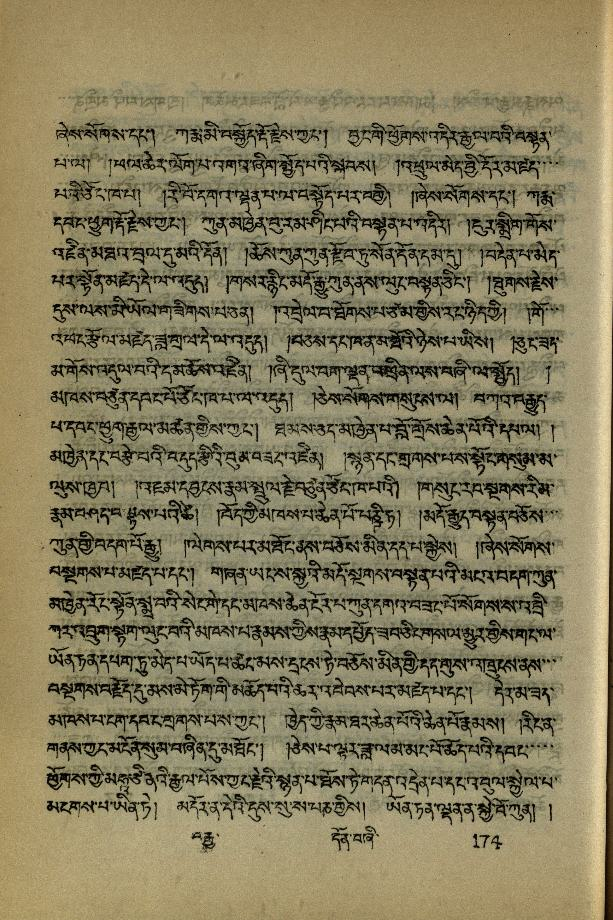ཞེས་སོགས་དང་། ཀརྨ་མི་བསྐྱོད་རྡོ་རྗེས་ཀྱང་། བྱང་གི་ཕྱོགས་འདིར་རྒྱལ་བའི་བསྟན་
པ་ལ། །ཕལ་ཆེར་ལོག་པ་འགའ་ཞིག་སྤྱོད་པའི་སྐབས། །འཕྲུལ་མེད་བྱི་དོར་མཛད་
པའི་ཙོང་ཁ་པ། །རི་བོ་དགའ་ལྡན་པ་ལ་བསྟོད་པར་བགྱི། །ཞེས་སོགས་དང་། ཀརྨ་
དབང་ཕྱུག་རྡོ་རྗེས་ཀྱང་། ཀུན་མཁྱེན་བུ་རམ་ཤིང་པའི་བསྟན་པ་འདིར། །དུར་སྨྲིག་གོས་
འཛིན་མཐའ་བྲལ་དུ་མའི་དོན། །ཆོས་ཀུན་ཀུན་རྫོབ་ཏུ་སོན་དོན་དམ་དུ། །བདེན་པ་མེད་
པར་སྟོན་མཛད་དེ་ལ་འདུད། །གསར་རྙིང་མདོ་རྒྱུ་ཀུན་ནས་ལུང་བསྟན་ཅིང་། །ཐུགས་རྗེས་
དུས་ལས་མི་ཡོལ་གཟིགས་པ་ཅན། །འབྲེལ་བ་ཐོགས་པ་ཙམ་གྱིས་རང་ཉིད་ཀྱི། །གོ་
འཕང་རྩོལ་མཛད་ཟླ་གྲལ་དེ་ལ་འདུད། །བཅས་དང་ཁ་ན་མ་ཐོའི་ཉེས་པ་ཡིས། །ཅུང་ཟད་
མ་གོས་འདུལ་བའི་དམ་ཆོས་འཛིན། །ཞི་དུལ་བག་ལྡན་འཕྲིན་ལས་བཞི་ལ་སྤྱོད། །
མཁས་བཙུན་དབང་པོ་ཙོང་ཁ་པ་ལ་འདུད། །ཅེས་སོགས་གསུངས་ལ། བཀའ་བརྒྱུད་
པ་དབང་ཕྱུག་རྒྱལ་མཚན་གྱིས་ཀྱང་། ཐམས་ཅད་མཁྱེན་པ་བློ་གྲོས་ཆེན་པོའི་དཔལ། །
མཁྱེན་དང་རྩེ་བའི་བདུད་རྩིའི་བུམ་བཟང་འཛིན། །སྙན་དང་གྲགས་པས་སྟོང་གསུམ་མ་
ལུས་ཁྱབ། །འཇམ་དབྱངས་རྣམ་སྤྲུལ་རྗེ་བཙུན་ཙོང་ཁ་པའི། །གསུང་རབ་སྔགས་རིམ་
རྣམ་བཤད་བལྟས་པའི་ཚེ། །བོད་ཀྱི་མཁས་པ་ཆེན་པོ་པཎྜི་ཏ། །མདོ་རྒྱུད་བསྟན་བཅོས་
ཀུན་གྱི་བདག་པོ་རྒྱུ། །ལེགས་པར་མཐོང་ནས་བཅོས་མིན་དད་པ་སྐྱེས། །ཞེས་སོགས་
བསྔགས་པ་མཛད་པ་དང་། གཞན་ཡང་ས་སྐྱའི་མདོ་སྔགས་བསྟན་པའི་མངའ་བདག་ཀུན་
མཁྱེན་རོང་སྟོན་སྨྲ་བའི་སེང་གེ་དང་མཁས་ཆེན་ངོར་པ་ཀུན་དགའ་བཟང་པོ་སོགས་ས་འབྲི་
གར་འབྲུག་སྟག་ལུང་བའི་མཁས་པ་རྣམས་ཀྱིས་རྣམ་དཔྱོད་ཟབ་ཅིང་གསལ་མྱུར་གྱིས་གང་ལ་
ཡོན་ཏན་དཔག་ཏུ་མེད་པ་ཡོད་པ་ཚང་མས་དྲངས་ཏེ་བཅོས་མིན་གྱི་དད་གུས་འཁྲུངས་ནས་
བསྔགས་བརྗོད་དུ་མས་མེ་ཏོག་གི་མཆོད་པའི་ཆར་འབེབས་པར་མཛད་པ་དང་། དེར་མ་ཟད་
མཁས་པ་ངག་དབང་གྲགས་པས་ཀྱང་། ཁྱེད་ཀྱི་རྣམ་ཐར་ཆེན་པོའི་ཆེན་པོ་རྣམས། །རིང་ན་
གནས་ཀྱང་མངོན་སུམ་བཞིན་དུ་མཐོང་། །ཅེས་པ་ལྟར་ཟླ་ལམ་མང་པོ་ཆོད་པའི་དབང་
ཕྱོགས་ཀྱི་མཧཱ་ཙི་ནའི་རྒྱལ་པོས་ཀྱང་རྗེའི་སྙན་པ་ཐོས་ཏེ་གདན་འདྲེན་པ་དང་འབུལ་སྐྱེལ་པ་
མངགས་པ་ཡིན་ཏེ། མདོར་ན་དེའི་དུས་སུ་ས་པཎ་གྱིས། ཡོན་ཏན་ལྡན་ན་སྐྱེ་བོ་ཀུན། །